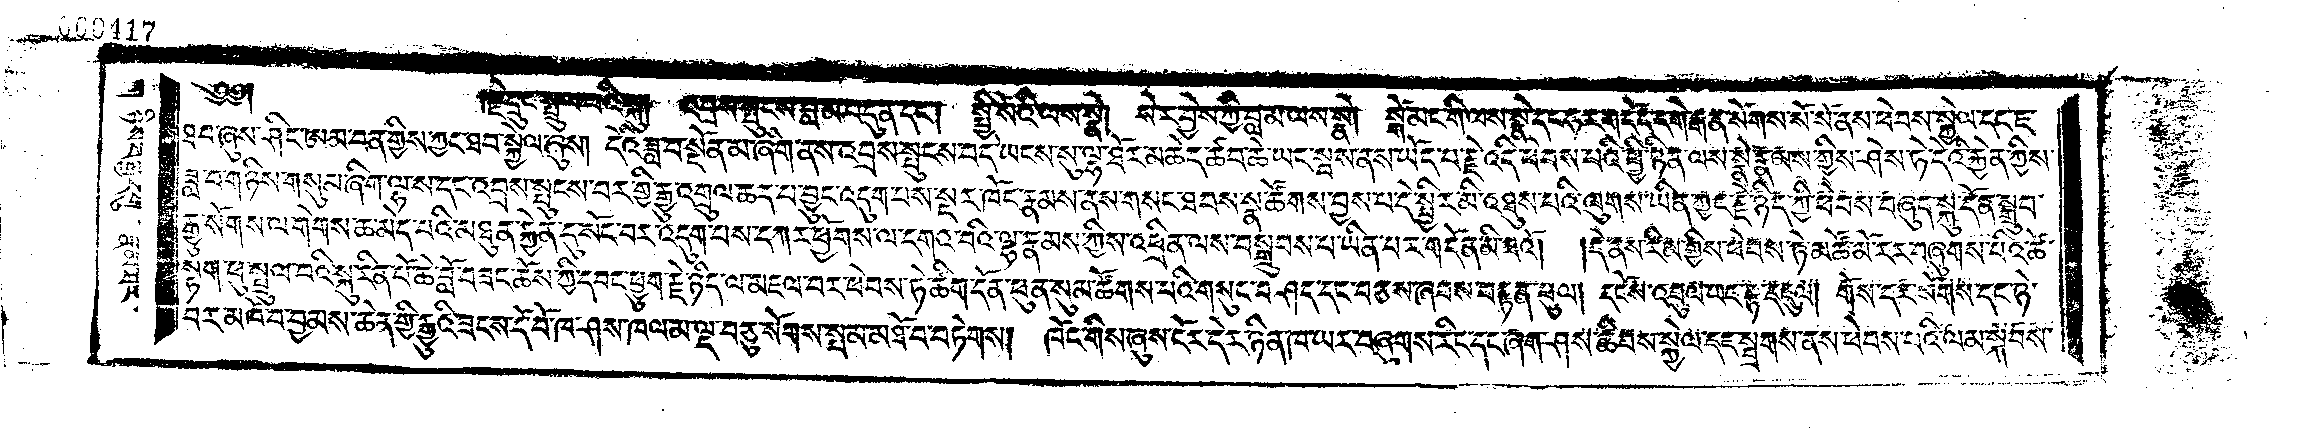༄༅། །རྗེ་དྲུང་སྤྲུལ་པའི་སྐུ། འབྲས་སྤུངས་བླ་མ་བདུན་དང་། སྤྱི་སོའི་ལས་སྣེ། སེར་བྱེད་ཀྱི་བླ་མ་ལས་སྣེ། སྒོ་མང་གི་ལས་སྣེ་དང་ཧར་གདོང་དགེ་རྒན་སོགས་སོ་སོ་ནས་ཕེབས་སྐྱེལ་དང་ཇ་
ཐབ་ཞུས་ཤིང་ཨམ་བན་གྱིས་ཀྱང་ཐབ་སྐྱེལ་ཞུས། དེའི་ཟླ་བ་སྔོན་མ་ཞིག་ནས་འབྲས་སྤུངས་བདེ་ཡངས་སུ་ལྷ་ཐོར་མཆེད་ཚབ་ཆེ་ཡང་སྦས་ནས་ཡོད་པ་རྗེ་འདི་ཕེབས་པའི་ཕྱི་ཉིན་ལས་སྣེ་རྣམས་ཀྱིས་ཤེས་ཏེ་དེའི་རྐྱེན་ཀྱིས་
ཟླ་བ་གཉིས་གསུམ་ཞིག་ལྷ་ས་དང་འབྲས་སྤུངས་བར་གྱི་རྒྱུ་འགྲུལ་ཆད་པ་བྱུང་འདུག་པས་སྔར་ཁོང་རྣམས་ནས་གསང་ཐབས་སྣ་ཚོགས་བྱས་པ་དེ་སྤྱིར་མི་མཐུས་པའི་ལུགས་ཡིན་ཀྱང་རྗེ་ཉིད་ཀྱི་ཕེབས་བཞུད་སྐུ་དོན་སྒྲུབ་
རྒྱུ་སོགས་ལ་གེགས་ཆ་མེད་པའི་མཐུན་རྐྱེན་དུ་སོང་བར་འདུག་པས་དཀར་ཕྱོགས་ལ་དགའ་བའི་ལྷ་རྣམས་ཀྱིས་འཕྲིན་ལས་བསྒྲུབས་པ་ཡིན་པར་གདོན་མི་ཟའོ། །དེ་ནས་རིམ་གྱིས་ཕེབས་ཏེ་མཚོ་མོ་རང་བཞུགས་པའི་ཚེ་
སྟག་ཕུ་སྤྲུལ་བའི་སྐུ་རིན་པོ་ཆེ་བློ་བཟང་ཆོས་ཀྱི་དབང་ཕྱུག་རྗེ་ཉིད་ལ་མཇལ་བར་ཕེབས་ཏེ་ཚིག་དོན་ཕུན་སུམ་ཚོགས་པའི་གསུང་བཤད་དང་བཅས་ཞབས་བརྟན་ཕུལ། དངོས་འབུལ་ཡང་རྟ་དངུལ། གོས་དར་སོགས་དང་ཉེ་
བར་མཁོ་བ་བྱམས་ཆེན་གྱི་རྒྱུའི་ཟངས་དོ་བོ་ཁ་ཤས་ཁལ་མ་ལྡ་བཅུ་སོགས་སྤམ་མཐོ་བ་བཏེགས། ཁོང་གིས་ཞུས་ངོར་དེར་ཉིན་ཁ་ཡར་བཞུགས་རིང་དང་ཞག་ཤས་ཆིབས་སྐྱེལ་དང་སྤྲགས་ནས་ཕེབས་པའི་ལམ་སྐབས་